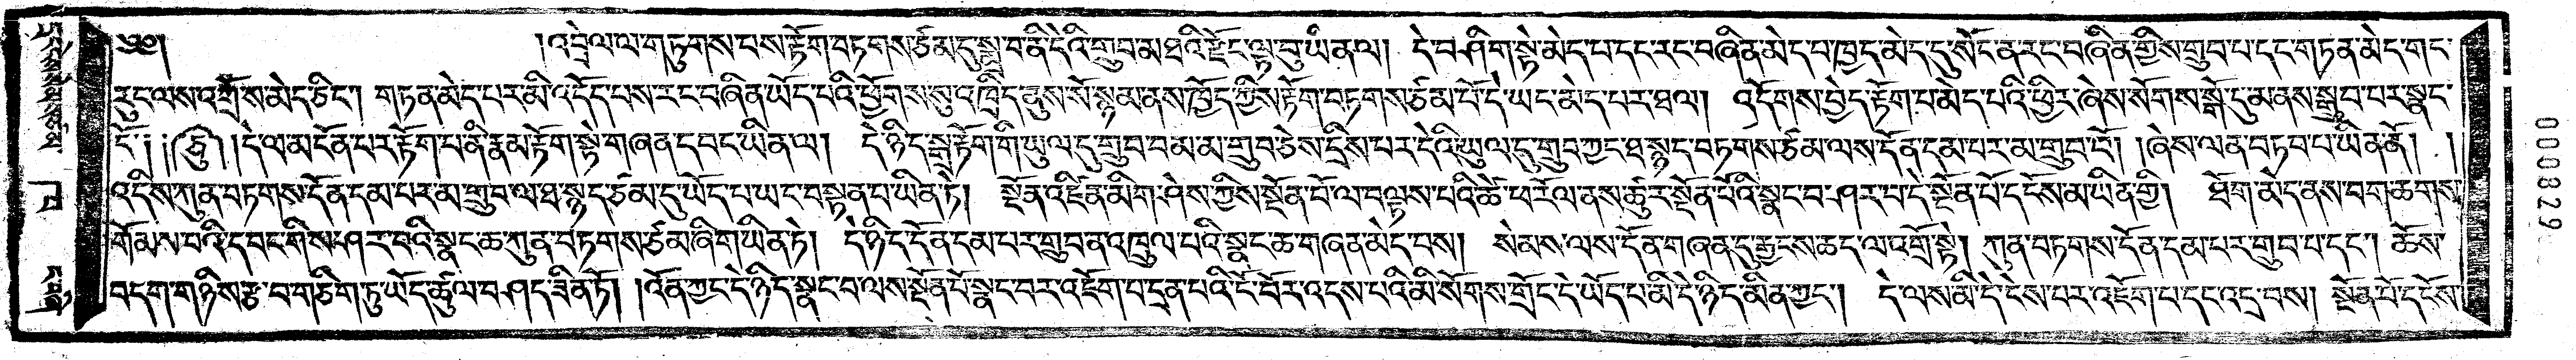༄༅། །འབྲེལ་ལ་གཏུགས་པས་རྟོག་བཏགས་ཙམ་དུ་སྨྲ་བ་ནི་དེའི་གྲུབ་མཐའི་རྫོང་ལྟ་བུ་ཡིན་ལ། དེ་བཤིག་སྟེ་མེད་པ་དང་རང་བཞིན་མེད་པ་ཁྱད་མེད་དུ་སོང་ན་རང་བཞིན་གྱིས་གྲུབ་པ་དང་གཏན་མེད་གང་
རུང་ལས་འགྲོ་ས་མེད་ཅིང་། གཏན་མེད་པར་མི་འདོད་པས་རང་བཞིན་ཡོད་པའི་ཕྱོགས་སུ་འཁྲིད་ནུས་སོ་སྙམ་ནས་ཁྱོད་ཀྱིས་རྟོག་བཏགས་ཙམ་པོ་དེ་ཡང་མེད་པར་ཐལ། འདོགས་བྱེད་རྟོག་པ་མེད་པའི་ཕྱིར་ཞེས་སོགས་སྒོ་དུ་མ་ནས་སྒྲུབ་པར་སྣང་
ངོ༑ ༑ ༼ཅུ༽ །དེ་ལ་མངོན་པར་རྟོག་པ་ནི་རྣམ་རྟོག་སྟེ་གཞན་དབང་ཡིན་ལ། དེ་ཉིད་སྒྲ་རྟོག་གི་ཡུལ་དུ་གྲུབ་བམ་མ་གྲུབ་ཅེས་དྲིས་པར་དེའི་ཡུལ་དུ་གྲུབ་ཀྱང་ཐ་སྙད་བཏགས་ཙམ་ལས་དོན་དམ་པར་མ་གྲུབ་བོ། །ཞེས་ལན་བཏབ་པ་ཡིན་ནོ། །
འདིས་ཀུན་བཏགས་དོན་དམ་པར་མ་གྲུབ་ལ་ཐ་སྙད་ཙམ་དུ་ཡོད་པ་ཡང་བསྟན་པ་ཡིན་ཏེ། སྔོན་འཛིན་མིག་ཤེས་ཀྱིས་སྔོན་པོ་ལ་བལྟས་པའི་ཚེ་ཕ་རོལ་ནས་ཚུར་སྔོན་པོའི་སྣང་བ་ཤར་པ་དེ་སྔོན་པོ་དངོས་མ་ཡིན་གྱི། ཐོག་མེད་ནས་བག་ཆགས་
གོམས་པའི་དབང་གིས་ཤར་བའི་སྣང་ཆ་ཀུན་བཏགས་ཙམ་ཞིག་ཡིན་ཏེ། དེ་ཉིད་དོན་དམ་པར་གྲུབ་ན་འཁྲུལ་པའི་སྣང་ཆ་གཞན་མེད་པས། སེམས་ལས་དོན་གཞན་དུ་རྒྱངས་ཆད་ལ་འགྲོ་སྟེ། ཀུན་བཏགས་དོན་དམ་པར་གྲུབ་པ་དང་། ཆོས་
བདག་གཉིས་རྩ་བ་གཅིག་ཏུ་ཡོད་ཚུལ་བཤད་ཟིན་ཏོ། །འོན་ཀྱང་དེ་ཉིད་སྣང་བ་ལས་སྔོན་པོ་སྣང་བར་འཇོག་པ་དྲན་པའི་ངོ་བོར་འདས་པའི་མི་སོགས་གྲོང་དེ་ཡོད་པ་མི་དེ་ཉིད་མིན་ཀྱང་། དེ་ལས་མི་དེ་ངེས་པར་འཇོག་པ་དང་འདྲ་བས། སྔོན་པོ་དངོས་